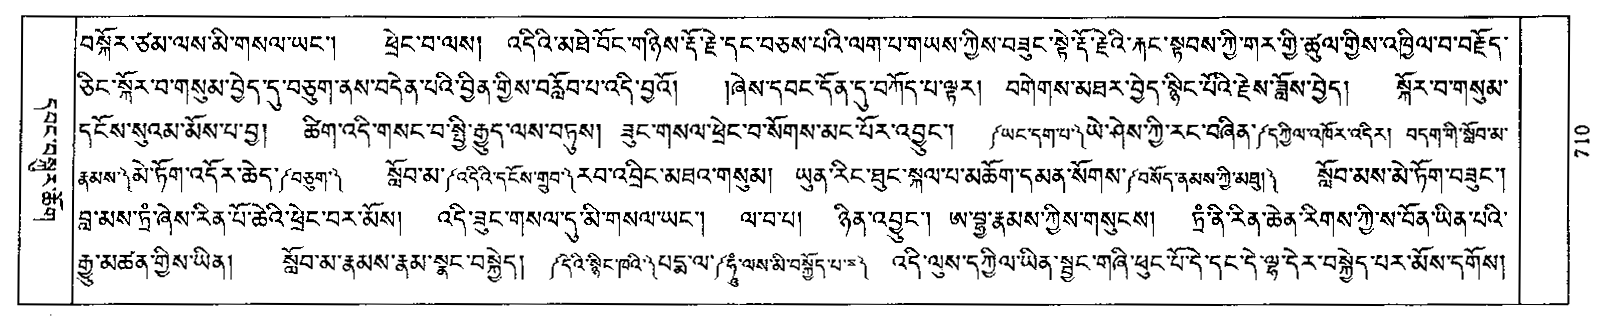བསྐོར་ཙམ་ལས་མི་གསལ་ཡང་། ཕྲེང་བ་ལས། འདིའི་མཐེ་བོང་གཉིས་རྡོ་རྗེ་དང་བཅས་པའི་ལག་པ་གཡས་ཀྱིས་བཟུང་སྟེ་རྡོ་རྗེའི་རྐང་སྟབས་ཀྱིས་གར་གྱི་ཚུལ་གྱིས་འཁྱིལ་བ་བརྗོད་
ཅིང་སྐོར་བ་གསུམ་བྱེད་དུ་བཅུག་ནས་བདེན་པའི་བྱིན་གྱིས་བརློབ་པ་འདི་བྱའོ། །ཞེས་དབང་དོན་དུ་བཀོད་པ་ལྟར། བགེགས་མཐར་བྱེད་སྙིང་པོའི་རྗེས་ཟློས་བྱེད། སྐོར་བ་གསུམ་
དངོས་སུའམ་མོས་པ་བྱ། ཚིག་འདི་གསང་བ་སྤྱི་རྒྱུད་ལས་བཏུས། ཟུང་གསལ་ཕྲེང་བ་སོགས་མང་པོར་འབྱུང་། ༼ཡང་དག་པ྄་ཡེ་ཤེས་ཀྱི་རང་བཞིན་༽དཀྱིལ་འཁོར་འདིར། བདག་གི་སློབ་མ་
རྣམས྄་མེ་ཏོག་འདོར་ཆེད ༼བཅུག྄་སློབ་མ་༽འདིའི་དངོས་གྲུབ྄་རབ་འབྲིང་མཐའ་གསུམ། ཡུན་རིང་ཐུང་སྐལ་པ་མཆོག་དམན་སོགས་བསོད་ནམས་ཀྱི་མཐུ།?་སློབ་མས་མེ་ཏོག་བཟུང་།
བླ་མས་ཏྲཾ་ཞེས་རིན་པོ་ཆེའི་ཕྲེང་བར་མོས། འདི་ཟུང་གསལ་དུ་མི་གསལ་ཡང་། ལ་བ་པ། ཉིན་འབྱུང་། ཨ་བྷྱ་རྣམས་ཀྱིས་གསུངས། ཏྲཾ་ནི་རིན་ཆེན་རིགས་ཀྱི་ས་བོན་ཡིན་པའི་
རྒྱུ་མཚན་གྱིས་ཡིན། སློབ་མ་རྣམས་རྣམ་སྣང་བསྐྱེད། ༼དེའི་སྙིང་ཁའ྄ི་པདམ་ལ་༽ཧཱུཾ་ལས་མི་བསྐྱོད་པ་྾་?་འདི་ལུས་དཀྱིལ་ཡིན་སྦྱང་གཞི་ཕུང་པོ་དེ་དང་དེ་ལྷ་དེར་བསྐྱེད་པར་མོས་དགོས།